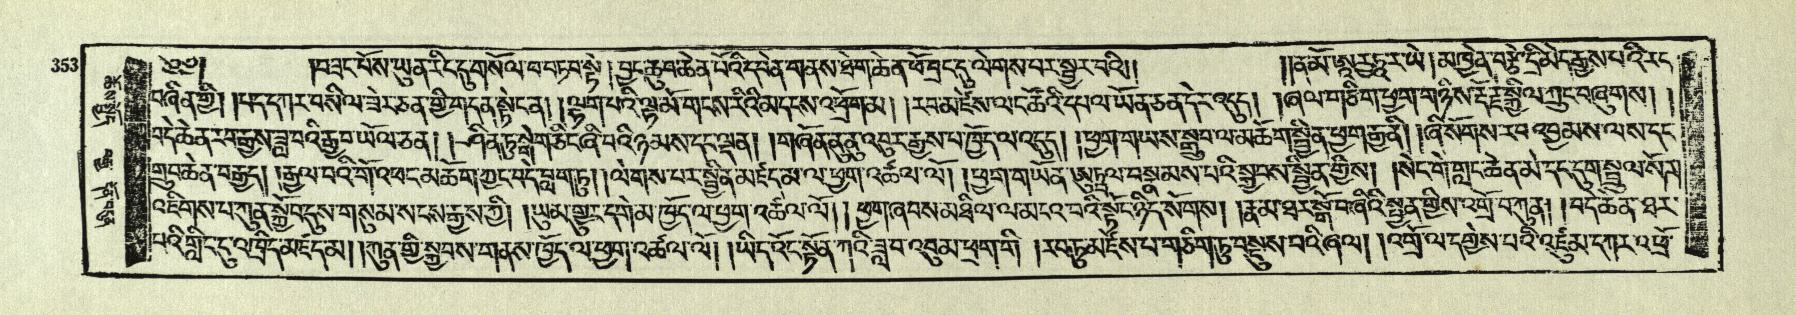༄༅། །བཟང་པོས་ཡུན་རིང་དུ་གསོལ་བ་བཏབ་སྟེ་།བྱང་ཆུབ་ཆེན་པོའི་དབེན་གནས་ཐེག་ཆེན་ཕོ་བྲང་དུ་ལེགས་པར་སྦྱར་བའི།། །།ན་མོ་ཨཱརྱཏཱ་ར་ཡེ་།མཁྱེན་བརྩེ་དྲི་མེད་རྒྱས་པའི་རང་
བཞིན་གྱི། །པད་དཀར་བསིལ་ཟེར་ཅན་གྱི་གདན་སྟེང་ན། །ལྷག་པའི་ལྷ་མོ་གངས་རིའི་མདངས་འཕྲོག་མ། །རབ་མཛེས་ལང་ཚོའི་དཔལ་ཡོན་ཅན་དེར་འདུད། །ཞལ་གཅིག་ཕྱག་གཉིས་རྡོ་རྗེ་སྐྱིལ་ཀྲུང་བཞུགས། །
བདེ་ཆེན་རབ་རྒྱས་ཟླ་བའི་རྒྱབ་ཡོལ་ཅན། །ཤིན་ཏུ་སྒེག་ཅིང་ཞི་བའི་ཉམས་དང་ལྡན། །གཞོན་ནུ་ནུ་འབུར་རྒྱས་པ་ཁྱོད་ལ་འདུད། །ཕྱག་གཡས་སྒྲུབ་ལ་མཆོག་སྦྱིན་ཕྱག་རྒྱ་ནི། །ཞི་སོགས་རབ་འབྱམས་ལས་དང་
གྲུབ་ཆེན་བརྒྱད། །རྒྱལ་བའི་གོ་འཕང་མཆོག་ཀྱང་བདེ་བླག་ཏུ། །ལེགས་པར་སྦྱིན་མཛད་མ་ལ་ཕྱག་འཚལ་ལོ། །ཕྱག་གཡོན་ཨུཏྤལ་བསྣམས་པའི་སྐྱབས་སྦྱིན་གྱིས། །སེང་གེ་གླང་ཆེན་མེ་དང་དུག་སྦྲུལ་སོཌ།
འཇིགས་པ་ཀུན་སྐྱོབ་དུས་གསུམ་སངས་རྒྱས་ཀྱི། །ཡུམ་གྱུར་དགེ་མ་ཁྱོད་ལ་ཕྱག་འཚལ་ལོ། །ཕྱག་ཞབས་མཐིལ་ལ་མངའ་བའི་སྟོང་ཉིད་སོགས། །རྣམ་ཐར་སྒོ་བཞིའི་སྤྱན་གྱིས་འགྲོ་བ་ཀུན། །བདེ་ཆེན་ཐར་
པའི་གླིང་དུ་འཁྲིད་མཛད་མ། །ཀུན་གྱི་སྐྱབས་གནས་ཁྱོད་ལ་ཕྱག་འཚལ་ལོ། །ཡིད་འོང་སྟོན་ཀའི་ཟླ་བ་འབུམ་ཕྲག་གི །རབ་ཏུ་མཛེས་པ་གཅིག་ཏུ་བསྡུས་བའི་ཞལ། །འགྲོ་ལ་དགྱེས་པའི་འཛུམ་དཀར་འཕྲོ་